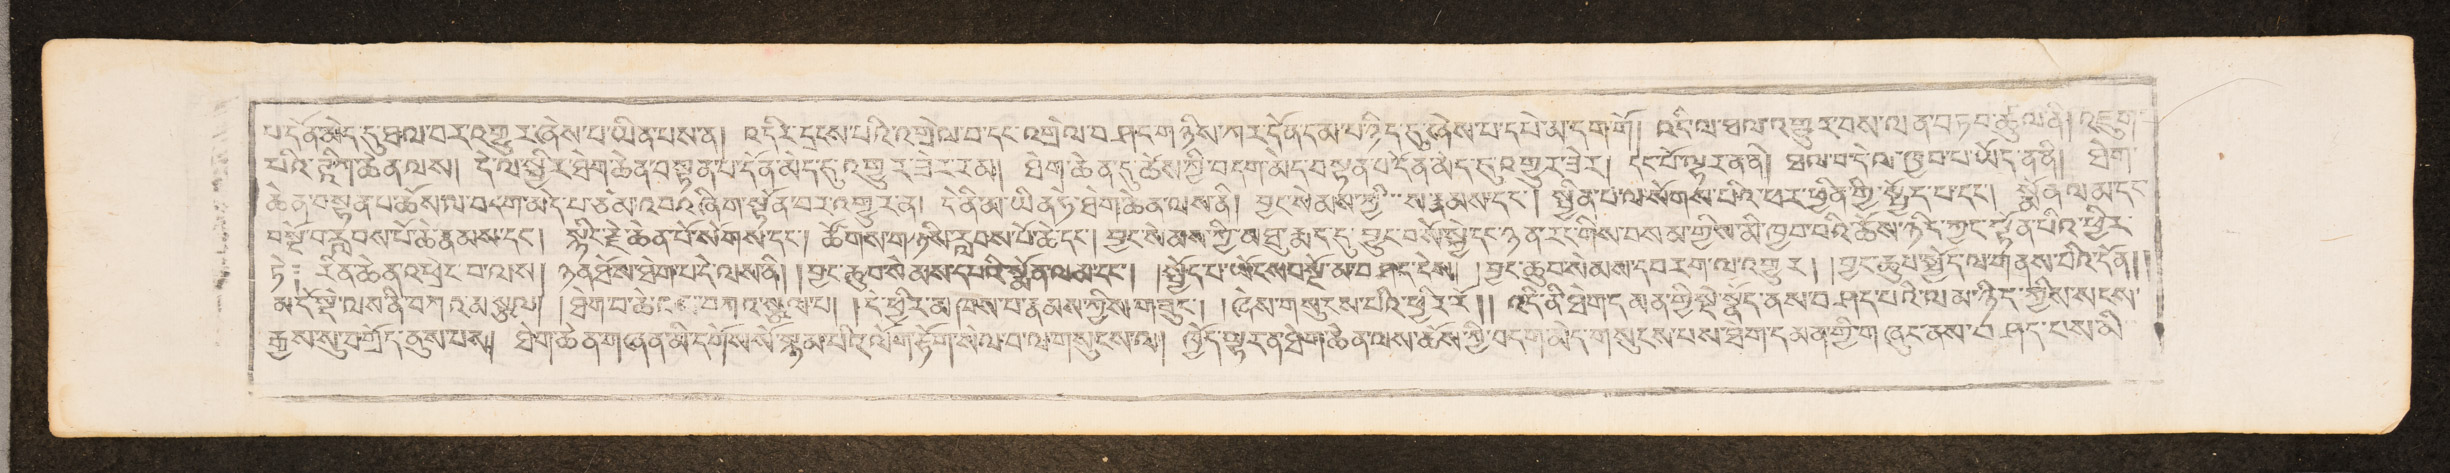པ་དོན་མེད་དུ་ཐལ་བར་འགྱུར་ཞེས་པ་ཡིན་པས་ན། འདིར་དྲངས་པའི་འགྲེལ་བ་དང་འགྲེལ་བཤད་གཉིས་ཀར་དོན་དམ་པ་ཉིད་དུ་ཞེས་པ་དཔེ་མ་དག་གོ། འདི་ལ་ཐལ་འགྱུར་བས་ལན་བཏབ་ཚུལ་ནི། འཇུག་
པའི་ཊཱིཀ་ཆེན་ལས། དེ་ལ་སྤྱིར་ཐེག་ཆེན་བསྟན་པ་དོན་མེད་དུ་འགྱུར་ཟེར་རམ། ཐེག་ཆེན་དུ་ཆོས་ཀྱི་བདག་མེད་བསྟན་པ་དོན་མེད་དུ་འགྱུར་ཟེར། དང་པོ་ལྟར་ན་ནི། ཐལ་བ་དེ་ལ་ཁྱབ་པ་ཡོད་ན་ནི། ཐེག་
ཆེན་བསྟན་པ་ཆོས་ལ་བདག་མེད་པ་ཙམ་འབའ་ཞིག་སྟོན་པར་འགྱུར་ན། དེ་ནི་མ་ཡིན་ཏེ་ཐེག་ཆེན་ལས་ནི། བྱང་སེམས་ཀྱི་ས་རྣམས་དང་། སྦྱིན་པ་ལ་སོགས་པའི་ཕར་ཕྱིན་གྱི་སྤྱོད་པ་དང་། སྨོན་ལམ་དང་
བསྔོ་བ་རླབས་པོ་ཆེ་རྣམས་དང་། སྙིང་རྗེ་ཆེན་པོ་སོགས་དང་། ཚོགས་གཉིས་རླབས་པོ་ཆེ་དང་། བྱང་སེམས་ཀྱི་མཐུ་རྨད་དུ་བྱུང་བ་སོ་སྐྱེ་དང་ཉན་རང་གིས་བསམ་གྱིས་མི་ཁྱབ་པའི་ཆོས་ཉིད་ཀྱང་སྟོན་པའི་ཕྱིར་
ཏེ༑ རིན་ཆེན་འཕྲེང་བ་ལས། ཉན་ཐོས་ཐེག་པ་དེ་ལས་ནི། །བྱང་ཆུབ་སེམས་དཔའི་སྨོན་ལམ་དང་། །སྤྱོད་པ་ཡོངས་བསྔོ་མ་བཤད་དེས། །བྱང་ཆུབ་སེམས་དཔར་ག་ལ་འགྱུར། །བྱང་ཆུབ་སྤྱོད་ལ་གནས་པའི་དོན། །
མདོ་སྡེ་ལས་ནི་བཀའ་མ་སྩལ། །ཐེག་པ་ཆེ་ལས་བཀའ་སྩལ་པ། །དེ་ཕྱིར་མཁས་པ་རྣམས་ཀྱིས་གཟུང་། །ཞེས་གསུངས་པའི་ཕྱིར་རོ། །འདི་ནི་ཐེག་དམན་གྱི་སྡེ་སྣོད་ནས་བཤད་པའི་ལམ་ཉིད་ཀྱིས་སངས་
རྒྱས་སུ་བགྲོད་ནུས་པས། ཐེག་ཆེན་གཞན་མི་དགོས་སོ་སྙམ་པའི་ལོག་རྟོག་སེལ་བ་ལ་གསུངས་ལ། ཁྱོད་ལྟར་ན་ཐེག་ཆེན་ལས་ཆོས་ཀྱི་བདག་མེད་གསུངས་པས་ཐེག་དམན་གྱི་གཞུང་ནས་བཤད་པས་མི་